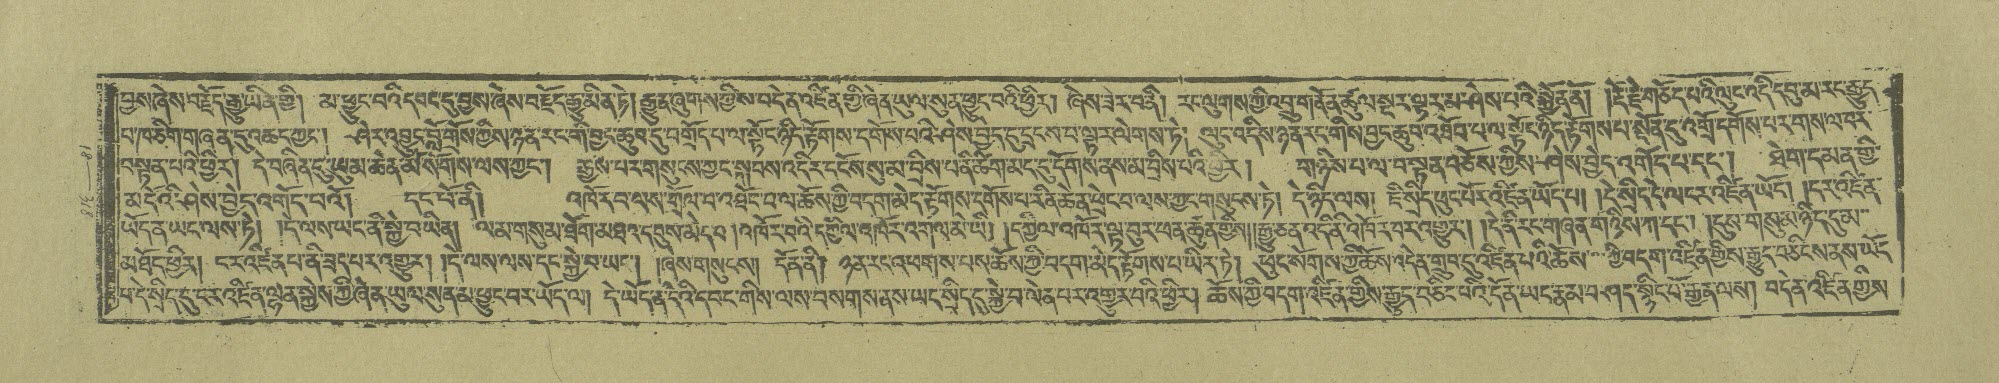བྱས་ཞེས་བརྗོད་རྒྱུ་ཡིན་གྱི། མ་ཕྱུང་བའི་དབང་དུ་བྱས་ཞེས་བརྗོད་རྒྱུ་མེན་ཏེ། རྒྱུན་ཞུགས་ཀྱིས་བདེན་འཛིན་གྱི་ཞེན་ཡུལ་སུན་ཕྱུང་བའི་ཕྱིར། ཞེས་ཟེར་བ་ནི། རང་ལུགས་ཀྱི་འབྲུ་གནོན་ཚུལ་སྔར་ལྟར་མ་ཤེས་པའི་སྐྱོན་ནོ། །རྡོ་རྗེ་གཅོད་པའི་ལུང་འདི་དབུ་མ་རང་རྒྱུད་
པ་ཁ་ཅིག་གཞན་དུ་འཆད་ཀྱང་། ཤེར་འབྱུང་བློ་གྲོས་ཀྱིས་ཉན་རང་གི་བྱང་ཆུབ་དུ་བགྲོད་པ་ལ་སྟོང་ཉིད་རྟོགས་དགོས་པའི་ཤེས་བྱེད་དུ་དྲངས་པ་ལྟར་ལེགས་ཏེ། ལུང་འདིས་ཉན་རང་གིས་བྱང་ཆུབ་འཐོབ་པ་ལ་སྟོང་ཉིད་རྟོགས་པ་སྔོན་དུ་འགྲོ་དགོས་པར་གསལ་བར་
བསྟན་པའི་ཕྱིར། དེ་བཞིན་དུ་ཡུམ་ཆེན་མོ་སོགས་ལས་ཀྱང་། རྒྱས་པར་གསུངས་ཀྱང་སྐབས་འདིར་དངོས་སུ་མ་བྲིས་པ་ནི་ཚིག་མང་དུ་དོགས་ནས་མ་བྲིས་པའི་ཕྱིར། གཉིས་པ་ལ་བསྟན་བཅོས་ཀྱིས་ཤེས་བྱེད་འགོད་པ་དང་། ཐེག་དམན་གྱི་
མདོའི་ཤེས་བྱེད་འགོད་པའོ། །དང་པོ་ནི། འཁོར་བ་ལས་སྲོལ་བ་འཐོང་པ་ལ་ཆོས་ཀྱི་བདག་མེད་རྟོགས་དགོས་པ་རིན་ཆེན་ཕྲེང་བ་ལས་ཀྱང་གསུངས་ཏེ། དེ་ཉིད་ལས། ཇི་སྲིད་ཕུང་པོར་འཛིན་ཡོད་པ། །དེ་སྲིད་དེ་ལ་དར་འཛིན་ཡོད། །དར་འཛིན་
ཡོད་ན་ཡང་ལས་ཏེ། །དེ་ལས་ཡང་ནི་སྐྱེ་བ་ཡིན། ལམ་གསུམ་ཐོག་མཐའ་དབུས་མེད་པ། འཁོར་བའི་དཀྱིལ་འཁོར་འགལ་མེ་ཡི། །དཀྱིལ་འཁོར་ལྟ་བུར་ཕན་ཚུན་གྱིས། །རྒྱུ་ཅན་འདི་ནི་འཁོར་བར་འགྱུར། །དེ་ནི་རང་གཞན་གཉིས་ཀ་དང་། །དུས་གསུམ་ཉིད་དུ་མ་
མཐོང་ཕྱིར། ངར་འཛིན་པ་ནི་ཟད་པར་འགྱུར། །དེ་ལས་ལས་དང་སྐྱེ་བ་ཡང་། །ཞེས་གསུངས། དོན་ནི། ཉན་རང་འཕགས་པས་ཆོས་ཀྱི་བདག་མེད་རྟོགས་ཕ་ཡིན་ཏེ། ཕུང་སོགས་ཀྱི་ཆོས་བདེན་གྲུབ་དུ་འཛིན་པའི་ཆོས་ཀྱི་བདག་འཛིན་གྱིས་རྒྱུད་བཅིངས་ནས་ཡོད་
པ་དེ་སྲིད་དུ་ངར་འཛིན་ལྷན་སྐྱེས་ཀྱི་ཞེན་ཡུལ་སུན་མ་ཕྱུང་བར་ཡོད་ལ། དེ་ཡོད་ན་དེའི་དབང་གིས་ལས་བསགས་ནས་ཡང་སྲིད་དུ་སྐྱེ་བ་ལེན་པར་འགྱུར་བའི་ཕྱིར། ཆོས་ཀྱི་བདག་འཛིན་གྱིས་རྒྱུད་བཅིང་བའི་དོན་ཡང་རྣམ་བཤད་སྙིང་པོ་རྒྱན་ལས། བདེན་འཛིན་གྱི་